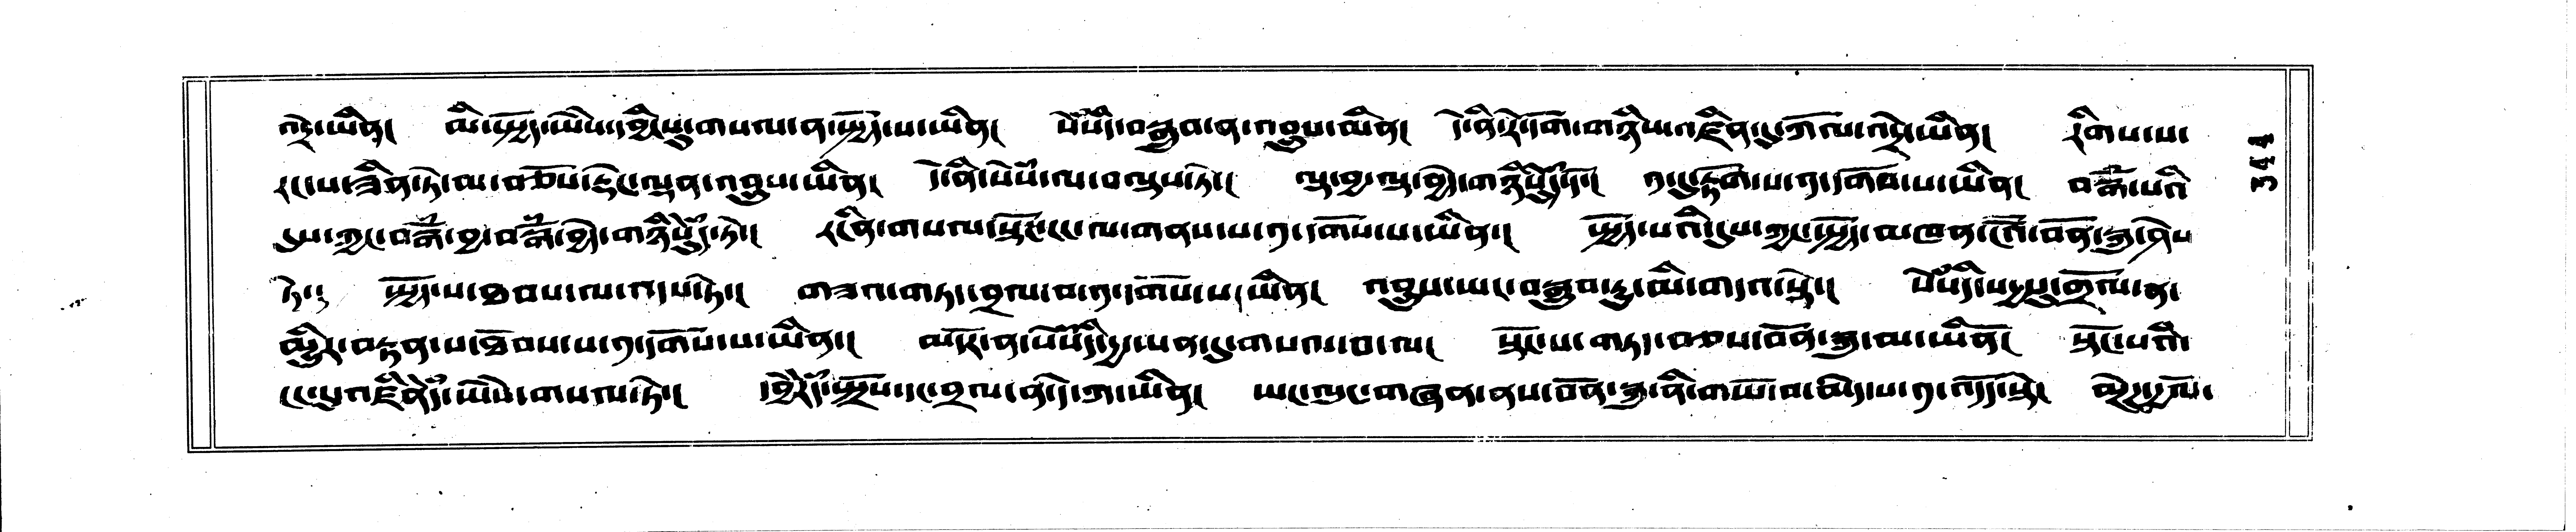འདྲེ་ཡིན། མི་སྤྱོད་ཡེ་ཤེས་དབྱིངས་སུ་གསལ་ན་སྤྱོད་པ་ཡིན། སེམས་ཉིད་བསྒྲུབ་ན་འབྲས་བུ་མ་ཡིན། དེ་ནི་རེ་དོག་གཉིས་འཛིན་གོལ་འདྲེ་ཡིན། རིག་པ་
རང་ས་འཛིན་ཏེ་མ་བཅོས་རྡེང་དང་ལྡན་ན་འབྲས་བུ་ཡིན། དེ་ནས་སེམས་ལ་ལྟ་སྟེ། ལྟ་བྱ་ལྟ་བྱེད་གཉིས་སུ་མེད་དེ་ཅིག་དུ་རྟོགས་པ་ཅིག་དགོས་པ་ཡིན། སྒོམ་པའི་
དུས་ཀྱང་སྒོམ་བྱ་སྒོམ་བྱེད་གཉིས་སུ་མེད་དེ་རང་བཞིན་གསལ་ཏེ་ངང་ལ་གནས་པ་ཅིག་དགོས་པ་ཡིན། སྤྱོད་པའི་དུས་ཀྱང་། སྤྱོད་མཁན་གྱིས་ངོའོ་ལ་བོན་སྐུར་ཤེས་
ཏེ། སྤྱོད་པའི་མཐའ་ལས་འདས་ཏེ། རང་གྲོལ་གཟའ་གཏད་བྲལ་བ་ཅིག་དགོས་པ་ཡིན། འབྲས་བུ་ཡང་བསྒྲུབ་རྒྱུ་མི་གདའ་སྟེ། སེམས་ཉིད་སངས་རྒྱས་སུ་གྲོལ་ནས་
མི་འགྱུར་བརྟེན་པར་ཐོབ་པ་ཅིག་དགོས་པ་ཡིན། མདོར་ན་སེམས་ཉིད་ཡེ་ཤེས་རྒྱ་ཡན་གསལ་བ་ལ། སྟོང་པ་གཏད་བཅས་བོན་སྐུ་མ་ཡིན་ནོ། སྟོང་པའི་
ངང་དུ་འཛིན་མེད་ཡེ་ཤེས་གསལ་ཏེ་དབྱེར་མེད་སྤྲོས་དང་བྲལ་ན་དེ་ཀ་ཡིན། ཡང་ལུང་གཞན་ནས། བོན་སྐུ་ནི་གཡོ་བ་མེད་པ་ཅིག་དུ་འདོད་སྟེ། མེན་ངག་རྒྱལ་པོ་